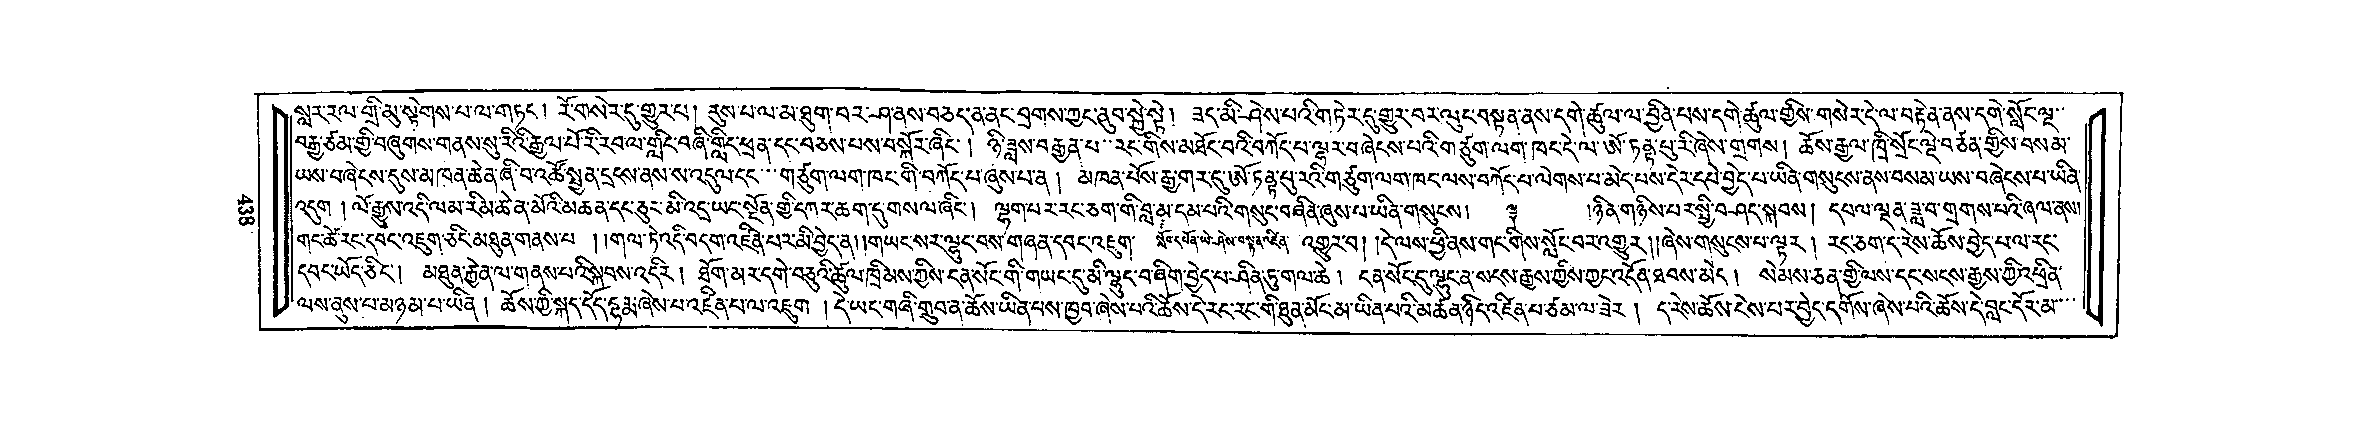སླར་རལ་གྲི་མུ་སྟེགས་པ་ལ་གཏང་། རོ་གསེར་དུ་གྱུར་པ། རུས་པ་ལ་མ་ཐུག་བར་ཤ་ནས་བཅད་ན་ནང་བྲགས་ཀྱང་ནུབ་སྐྱེ་སྟེ། ཟད་མི་ཤེས་པའི་གཏེར་དུ་གྱུར་བར་ལུང་བསྟན་ནས་དགེ་ཚུལ་ལ་བྱིན་པས་དགེ་ཚུལ་གྱིས་གསེར་དེ་ལ་བརྟེན་ནས་དགེ་སློང་ལྔ་
བརྒྱ་ཙམ་གྱི་བཞུགས་གནས་སུ་རིའི་རྒྱལ་པོ་རི་རབ་ལ་གླིང་བཞི་གླིང་ཕྲན་དང་བཅས་པས་བསྐོར་ཞིང་། ཉི་ཟླས་བརྒྱན་པ་རང་གིས་མཐོང་བའི་བཀོད་པ་ལྷར་བཞེངས་པའི་གཙུག་ལག་ཁང་དེ་ལ་ཨོ་ཏནྟ་པུ་རི་ཞེས་གྲགས། ཆོས་རྒྱལ་ཁྲི་སྲོང་ལྡེ་བཙན་གྱིས་བསམ་
ཡས་བཞེངས་དུས་མཁན་ཆེན་ཞི་བ་འཚོ་སྤྱན་དྲངས་ནས་ས་འདུལ་དང་གཙུག་ལག་ཁང་གི་བཀོད་པ་ཞུས་པ་ན། མཁན་པོས་རྒྱ་གར་དུ་ཨོ་ཏནྟ་པུ་རའི་གཙུག་ལག་ཁང་ལས་བཀོད་པ་ལེགས་པ་མེད་པས་དེར་དཔེ་བྱེད་པ་ཡིན་གསུངས་ནས་བསམ་ཡས་བཞེངས་པ་ཡིན་
འདུག །ལོ་རྒྱུས་འདི་ལམ་རིམ་ཆེན་མོའི་མཆན་དང་ཅུང་མི་འདྲ་ཡང་སྔོན་གྱི་དཀར་ཆག་དུ་གསལ་ཞིང་། ལྷག་པར་རང་ཅག་གི་བླ་མ་དམ་པའི་གསུང་བཞིན་ཞུས་པ་ཡིན་གསུངས། ༈ །ཉིན་གཉིས་པར་སྤྱི་བཤད་སྐབས། དཔལ་ལྡན་ཟླ་བ་གྲགས་པའི་ཞལ་ནས་
གང་ཚེ་རང་དབང་འཇུག་ཅིང་མཐུན་གནས་པ། །གལ་ཏེ་འདི་བདག་འཛིན་པར་མི་བྱེད་ན། །གཡང་སར་ལྷུང་བས་གཞན་དབང་འཇུག་འགྱུར་བ། །དེ་ལས་ཕྱི་ནས་གང་གིས་སློང་བར་འགྱུར། །ཞེས་གསུངས་པ་ལྟར། རང་ཅག་ད་རེས་ཆོས་བྱེད་པ་ལ་རང་
དབང་ཡོད་ཅིང་། མཐུན་རྐྱེན་ལ་གནས་པའི་སྐབས་འདིར། ཐོག་མར་དགེ་བཅུའི་ཚུལ་ཁྲིམས་ཀྱིས་ངན་སོང་གི་གཡང་དུ་མི་ལྷུང་བ་ཞིག་བྱེད་པ་ཤིན་ཏུ་གལ་ཆེ། ངན་སོང་དུ་ལྷུང་ན་སངས་རྒྱས་ཀྱིས་ཀྱང་འདོན་ཐབས་མེད། སེམས་ཅན་གྱི་ལས་དང་སངས་རྒྱས་ཀྱི་འཕྲིན་
ལས་ནུས་པ་མཉམ་པ་ཡིན། ཆོས་ཀྱི་སྐད་དོད་དྷ་རྨ་ཞེས་པ་འཛིན་པ་ལ་འཇུག །དེ་ཡང་གཞི་གྲུབ་ན་ཆོས་ཡིན་པས་ཁྱབ་ཞེས་པའི་ཆོས་དེ་རང་རང་གི་ཐུན་མོང་མ་ཡིན་པའི་མཚན་ཉིད་འཛིན་པ་ཙམ་ལ་ཟེར། ད་རེས་ཆོས་ངེས་པར་བྱེད་དགོས་ཞེས་པའི་ཆོས་དེ་བླང་དོར་མ་